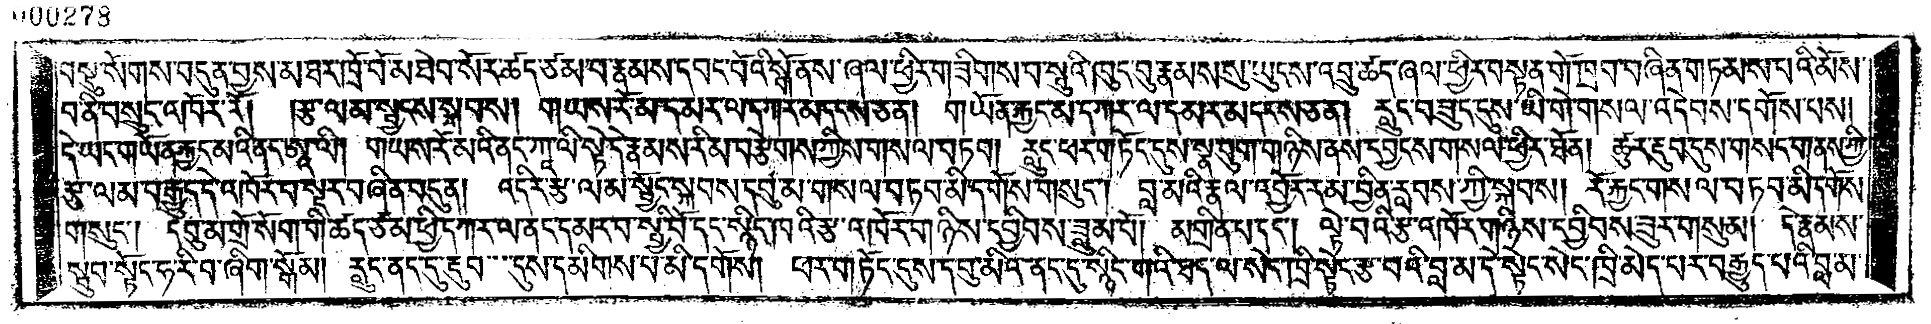བསྡུ་སོགས་བདུན་བྱས་མཐར་ཁྲོ་བོ་མཐེབ་སོར་ཚད་ཙམ་པ་རྣམས་དབང་པོའི་སྒོ་ནས་ཞལ་ཕྱིར་གཟིགས་བ་སྤུའི་ཁུང་བུ་རྣམས་སུ་ཡུངས་འབྲུ་ཚད་ཞལ་ཕྱིར་བསྟན་གོ་ཁྲབ་བཞིན་གཏམས་པའི་མོས་
པ་ནི་བསྲུང་འཁོར་རོ། །རྩ་ལམ་སྦྱངས་སྐབས། གཡས་རོ་མ་དམར་ལ་དཀར་མདངས་ཅན། གཡོན་རྐྱང་མ་དཀར་ལ་དམར་མདངས་ཅན། རླུང་བཟུང་དུས་ཡི་གེ་གསལ་འདེབས་དགོས་པས།
དེ་ཡང་གཡོན་རྐྱང་མའི་ནང་ཨཱ་ལི། གཡས་རོ་མའི་ནང་ཀཱ་ལི་སྟེ་དེ་རྣམས་རིམ་བརྩེགས་ཀྱིས་གསལ་བཏབ། རླུང་ཕར་གཏོང་དུས་སྣ་བུག་གཉིས་ནས་དབྱངས་གསལ་ཕྱིར་ཐོན། ཚུར་རྔུབ་དུས་གསང་གནས་ཀྱི་
རྩ་ལམ་བརྒྱུད་དེ་འཁོར་བ་སྔར་བཞིན་བདུན། འདིར་རྩ་ལམ་སྦྱོང་སྐབས་དབུ་མ་གསལ་བཏབ་མི་དགོས་གསུང་། བླ་མའི་རྣལ་འབྱོར་རམ་བྱིན་རླབས་ཀྱི་སྐབས། རོ་རྐྱང་གསལ་བཏབ་མི་དགོས་
གསུང་། དབུ་མ་གྲོ་སོག་གི་ཚད་ཙམ་ཕྱི་དཀར་ལ་ནང་དམར་བ་སྤྱི་བོ་དང་སྙིང་ཁའི་རྩ་འཁོར་གཉིས་དབྱིབས་ཟླུམ་པོ། མགྲིན་པ་དང་། ལྟེ་བའི་རྩ་འཁོར་གཉིས་དབྱིབས་ཟུར་གསུམ། དེ་རྣམས་
སྦུབ་སྟོང་ཧ་རི་བ་ཞིག་སྒོམ། རླུང་ནང་དུ་རྔུབ་དུས་དམིགས་པ་མི་དགོས། ཕར་གཏོང་དུས་དབུ་མའི་ནང་དུ་སྙིང་གའི་ཐད་ལ་སེང་ཁྲི་སྟེང་རྩ་བའི་བླ་མ་དེ་སྟེང་སེང་ཁྲི་མེད་པར་བརྒྱུད་པའི་བླ་མ་